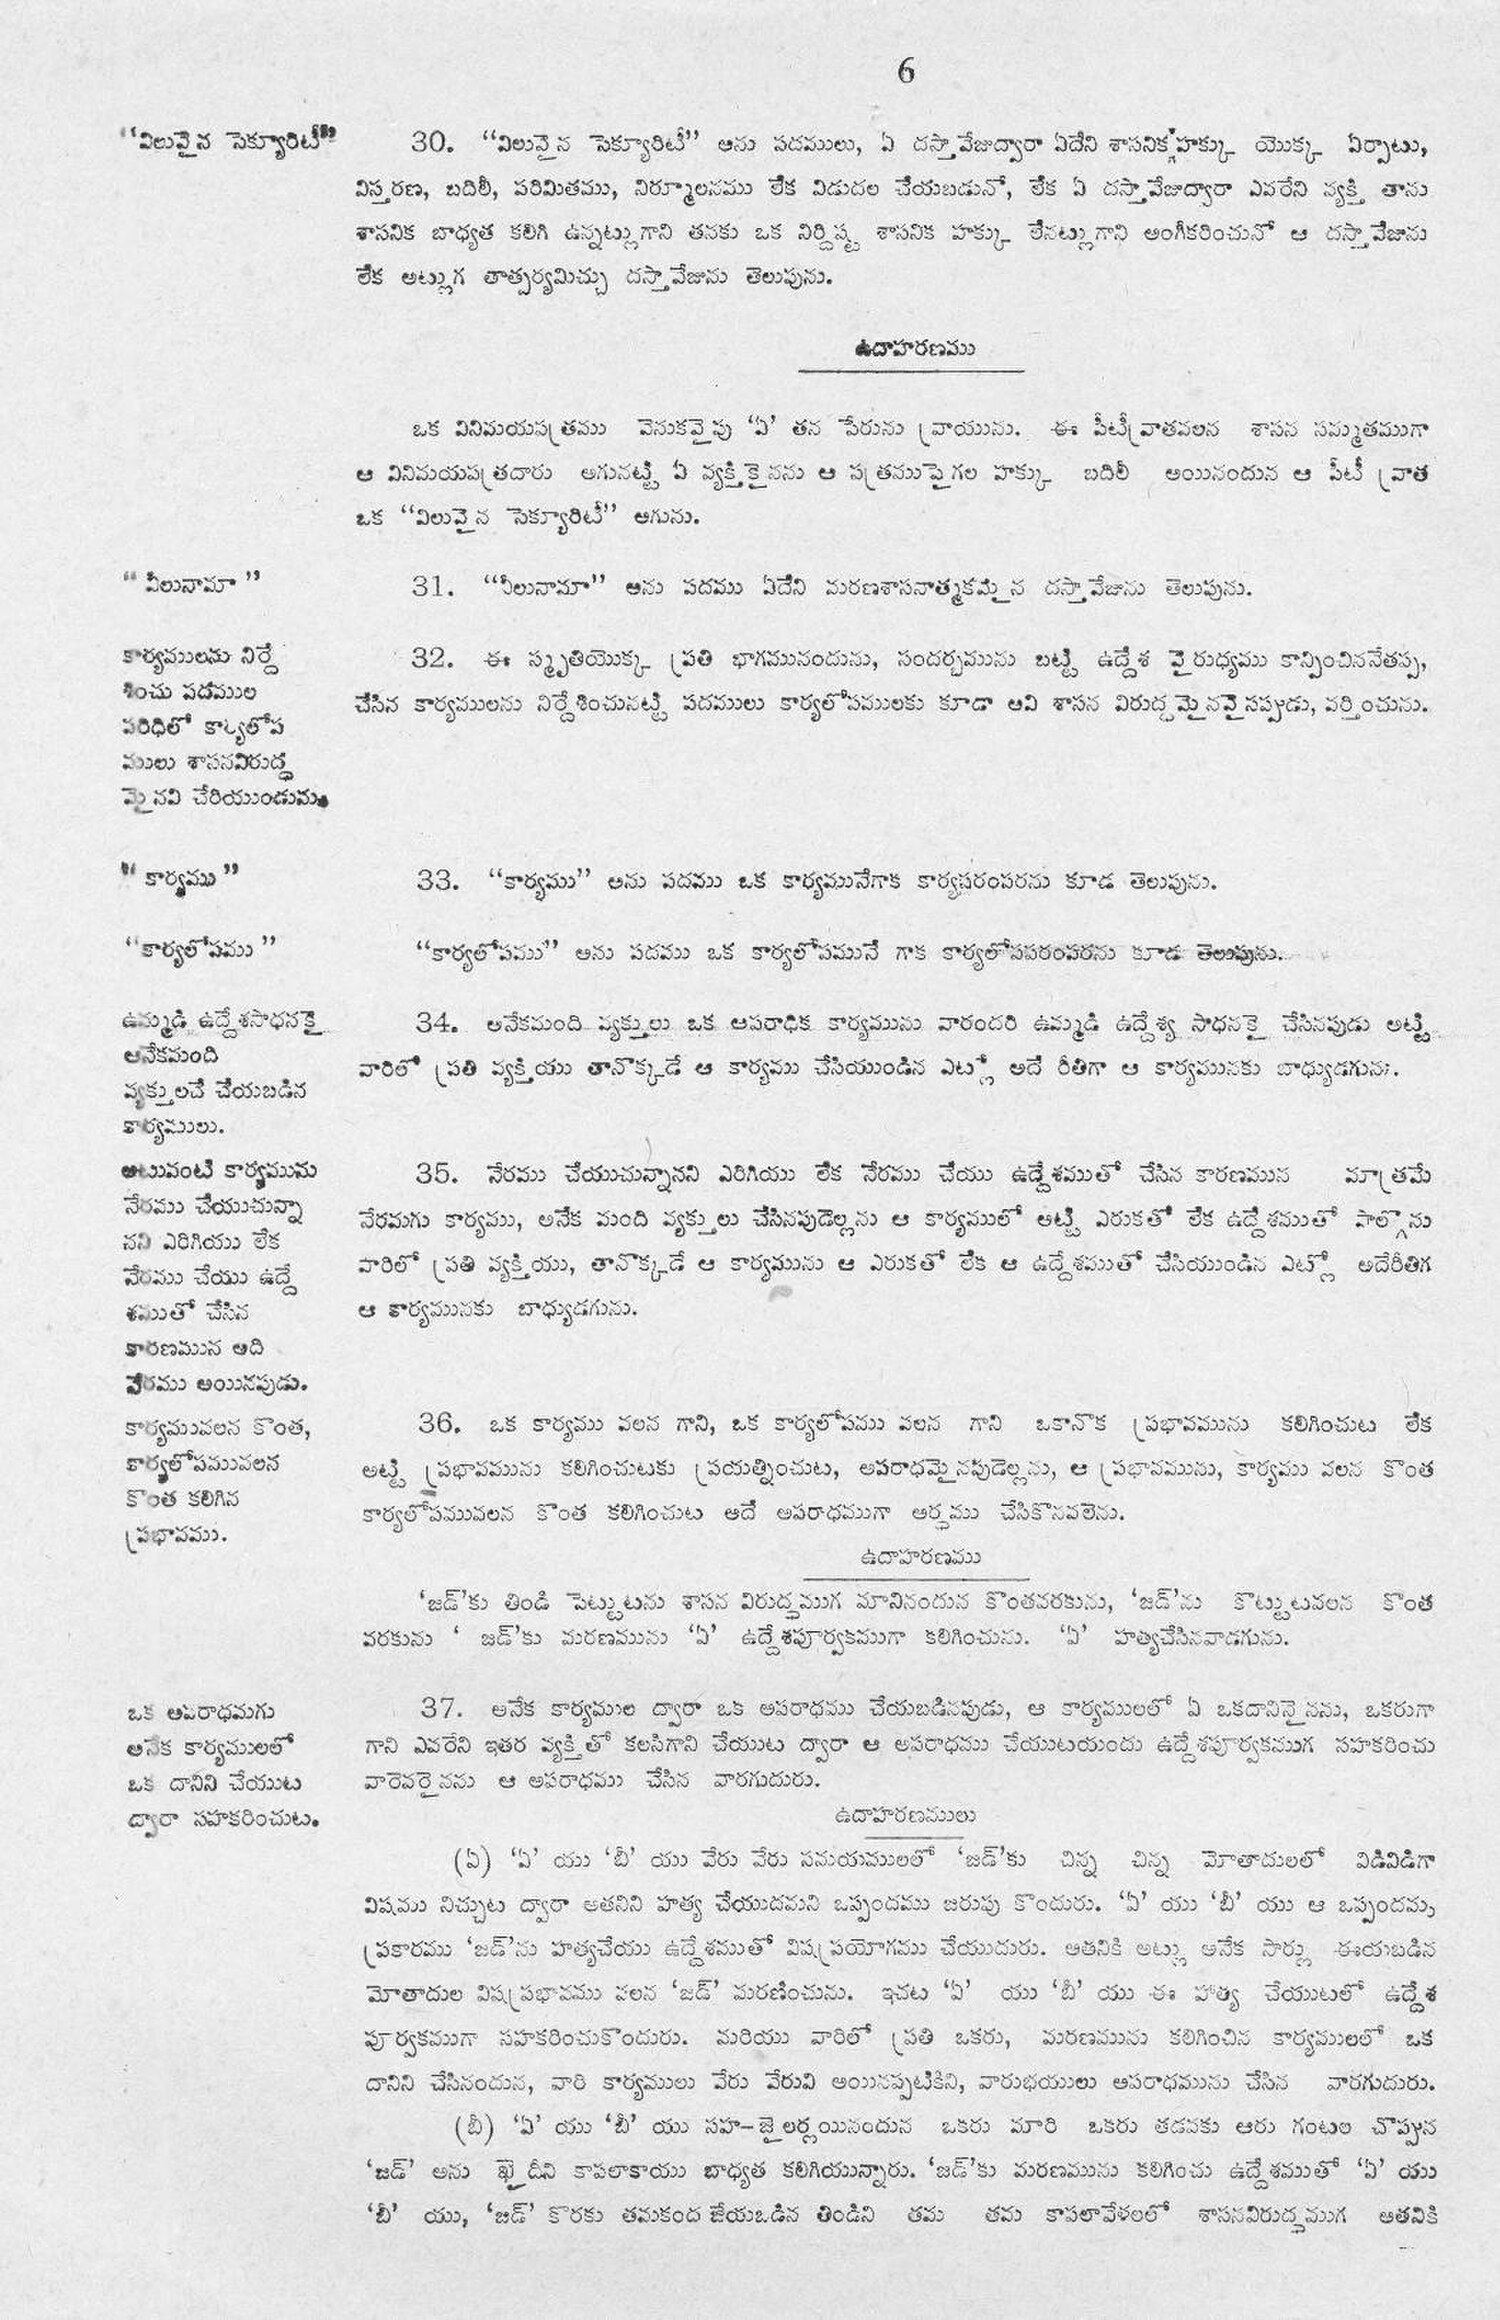“విలువైన సెక్యూరిటీ"

30. “విలువైన సెక్యూరిటీ” అను పదములు, ఏ దస్తావేజుద్వారా ఏదేని శాసనిక హక్కు యొక్క ఏర్పాటు, విస్తరణ, బదిలీ, పరిమితము, నిర్మూలనము లేక విడుదల చేయబడునో, లేక ఏ దస్తావేజుద్వారా ఎవరేని వ్యక్తి తాను శాసనిక బాధ్యత కలిగి ఉన్నట్లు గాని తనకు ఒక నిర్దిష్ట శాసనిక హక్కు లేనట్లు గాని అంగీకరించునో ఆ దస్తావేజును లేక అట్లుగ తాత్పర్యమిచ్చు దస్తా వేజును తెలుపును.

ఒక వినిమయపత్రము వెనుకవైపు 'ఏ' తన పేరును వ్రాయును, ఈ పీటీ వ్రాతవలన శాసన సమ్మతముగా ఆ వినిమయపత్రదారు లగునట్టి ఏ వ్యక్తి కైనను ఆ పత్రము పై గల హక్కు బదిలీ అయినందున ఆ పీటీ వ్రాత
ఒక “విలువైన సెక్యూరిటీ” అగును.

"వీలునామా"

31. వీలునామా" అను పదము ఏదేని మరణశాసనాత్మకమైన దస్తావేజును తెలుపును.

కార్యములను నిర్దేశించు పదముల పరిధిలో కార్యాలోపములు శాసనవిరుద్ధమైనవి చేరియుండుము 

32. ఈ స్మృతియొక్క ప్రతి భాగమునందును, సందర్భమును బట్టి ఉద్దేశ వైరుధ్యము కాన్పించిన నేతప్ప, చేసిన కార్యములను నిర్దేశించునట్టి పదములు కార్యలోపములకు కూడా అని శాసన విరుద్ధమైనవై నప్పుడు, వర్తించును.

"కార్యము"

33. “కార్యము" అను పదము ఒక కార్యమునేగాక కార్యపరంపరను కూడ తెలుపును.

“కార్యలోపము ”

“కార్యలోపము" అను పదము ఒక కార్యలోపమునే గాక కార్యలోపపరంపరను కూడ తెలుపును.

ఉమ్మడి ఉద్దేశసాధనకై ఆనేకమంది వ్యక్తులచే చేయబడిన కార్యములు.

34. అనేకమంది వ్యక్తులు ఒక ఆపరాధిక కార్యమును వారందరి ఉమ్మడి ఉద్దేశ్య సాధనకై చేసినపుడు అట్టి వారిలో ప్రతి వ్యక్తియు తానొక్కడే ఆ కార్యము చేసియుండిన ఎట్టా అదే రీతిగా ఆ కార్యమునకు బాధ్యుడగును.

అటువంటి కార్యమును నేరము చేయుచున్నానని ఎరిగియు లేక నేరము చేయు ఉద్దేశముతో చేసిన కారణమున ఆది
నేరము అయినపుడు.

35. నేరము చేయుచున్నానని ఎరిగియు లేక నేరము చేయు ఉద్దేశముతో చేసిన కారణముస మాత్రమే నేరమగు కార్యము, అనేక మంది వ్యక్తులు చేసినపుడెల్లను ఆ కార్యములో అట్టి ఎరుకతో లేక ఉద్దేశముతో పాల్గొను వారిలో ప్రతి వ్యక్తియు, తానొక్కడే ఆ కార్యమును ఆ ఎరుకతో లేక ఆ ఉద్దేశముతో చేసియుండిన ఎట్లో అదేరీతిగ ఆ కార్యమునకు బాధ్యుడగును.

కార్యమువలన కొంత, కార్యలోపమువలన కొంత కలిగిన ప్రభావము.

36. ఒక కార్యము వలన గాని, ఒక కార్యలోపము వలన గాని ఒకానొక ప్రభావమును కలిగించుట లేక అట్టి ప్రభావమును కలిగించుటకు ప్రయత్నించుట, అపరాధమై నపుడెల్లను, ఆ ప్రభావమును, కార్యము వలన కొంత కార్యలోపమువలన కొంత కలిగించుట అదే అపరాధముగా అర్ధము చేసికొనవలెను.

'జడ్'కు తిండి పెట్టుటను శాసన విరుద్దముగ మానినందున కొంతవరకును, 'జడ్'ను కొట్టుటవలన కొంత వరకును
జడ్'కు మరణమును 'ఏ' ఉద్దేశపూర్వకముగా కలిగించును. 'ఏ' హత్యచేసిన వాడగును.

ఒక అపరాధమగు అనేక కార్యములలో ఒక దానిని చేయుట ద్వారా సహకరించుట,

37. అనేక కార్యముల ద్వారా ఒక అపరాధము చేయబడినపుడు, ఆ కార్యములలో ఏ ఒకదానినైనను, ఒకరుగా గాని ఎవరేని ఇతర వ్యక్తి తో కలసిగాని చేయుట ద్వారా ఆ అపరాధము చేయుటయందు ఉద్దేశపూర్వకముగ సహకరించు
వారెవరైనను ఆ అపరాధము చేసిన వారగుదురు.

(ఏ) 'ఏ' యు 'బి' యు వేరు వేరు సమయములలో 'జడ్'కు చిన్న చిన్న మోతాదులలో విషము నిచ్చుట ద్వారా అతనిని హత్య చేయుదమని ఒప్పందము జరుపు కొందురు. 'ఏ' యు 'బి' యు ఆ ఒప్పందము, ప్రకారము 'జడ్'ను హత్యచేయు ఉద్దేశముతో విష ప్రయోగము చేయుదురు. అతనికి అట్లు అనేక సార్లు ఈయబడిన మోతాదుల విష ప్రభావము వలన 'జడ్' మరణించును. ఇచట 'ఏ' యు 'బి' యు ఈ హత్య చేయుటలో ఉద్దేశ పూర్వకముగా సహకరించుకొందురు. మరియు వారిలో ప్రతి ఒకరు, మరణమును కలిగించిన కార్యములలో ఒక దానిని చేసినందున, వారి కార్యములు వేరు వేరువి అయినప్పటికిని, వారుభయులు అపరాధమును చేసిన వారగుదురు.

(బీ) 'ఏ' యు 'బీ' యు సహ-జై లర్లయినందున ఒకరు మారి ఒకరు తడవకు ఆరు గంటల చొప్పున 'జడ్' అను ఖైదీని కాపలా కాయు బాధ్యత కలిగియున్నారు. 'జడ్'కు మరణమును కలిగించు ఉద్దేశముతో 'ఏ' యు 'బీ' యు, 'జడ్' కొరకు తమకంద జేయబడిన తిండిని తమ కాపలావేళలలో శాసన విరుద్ధముగ అతనికి